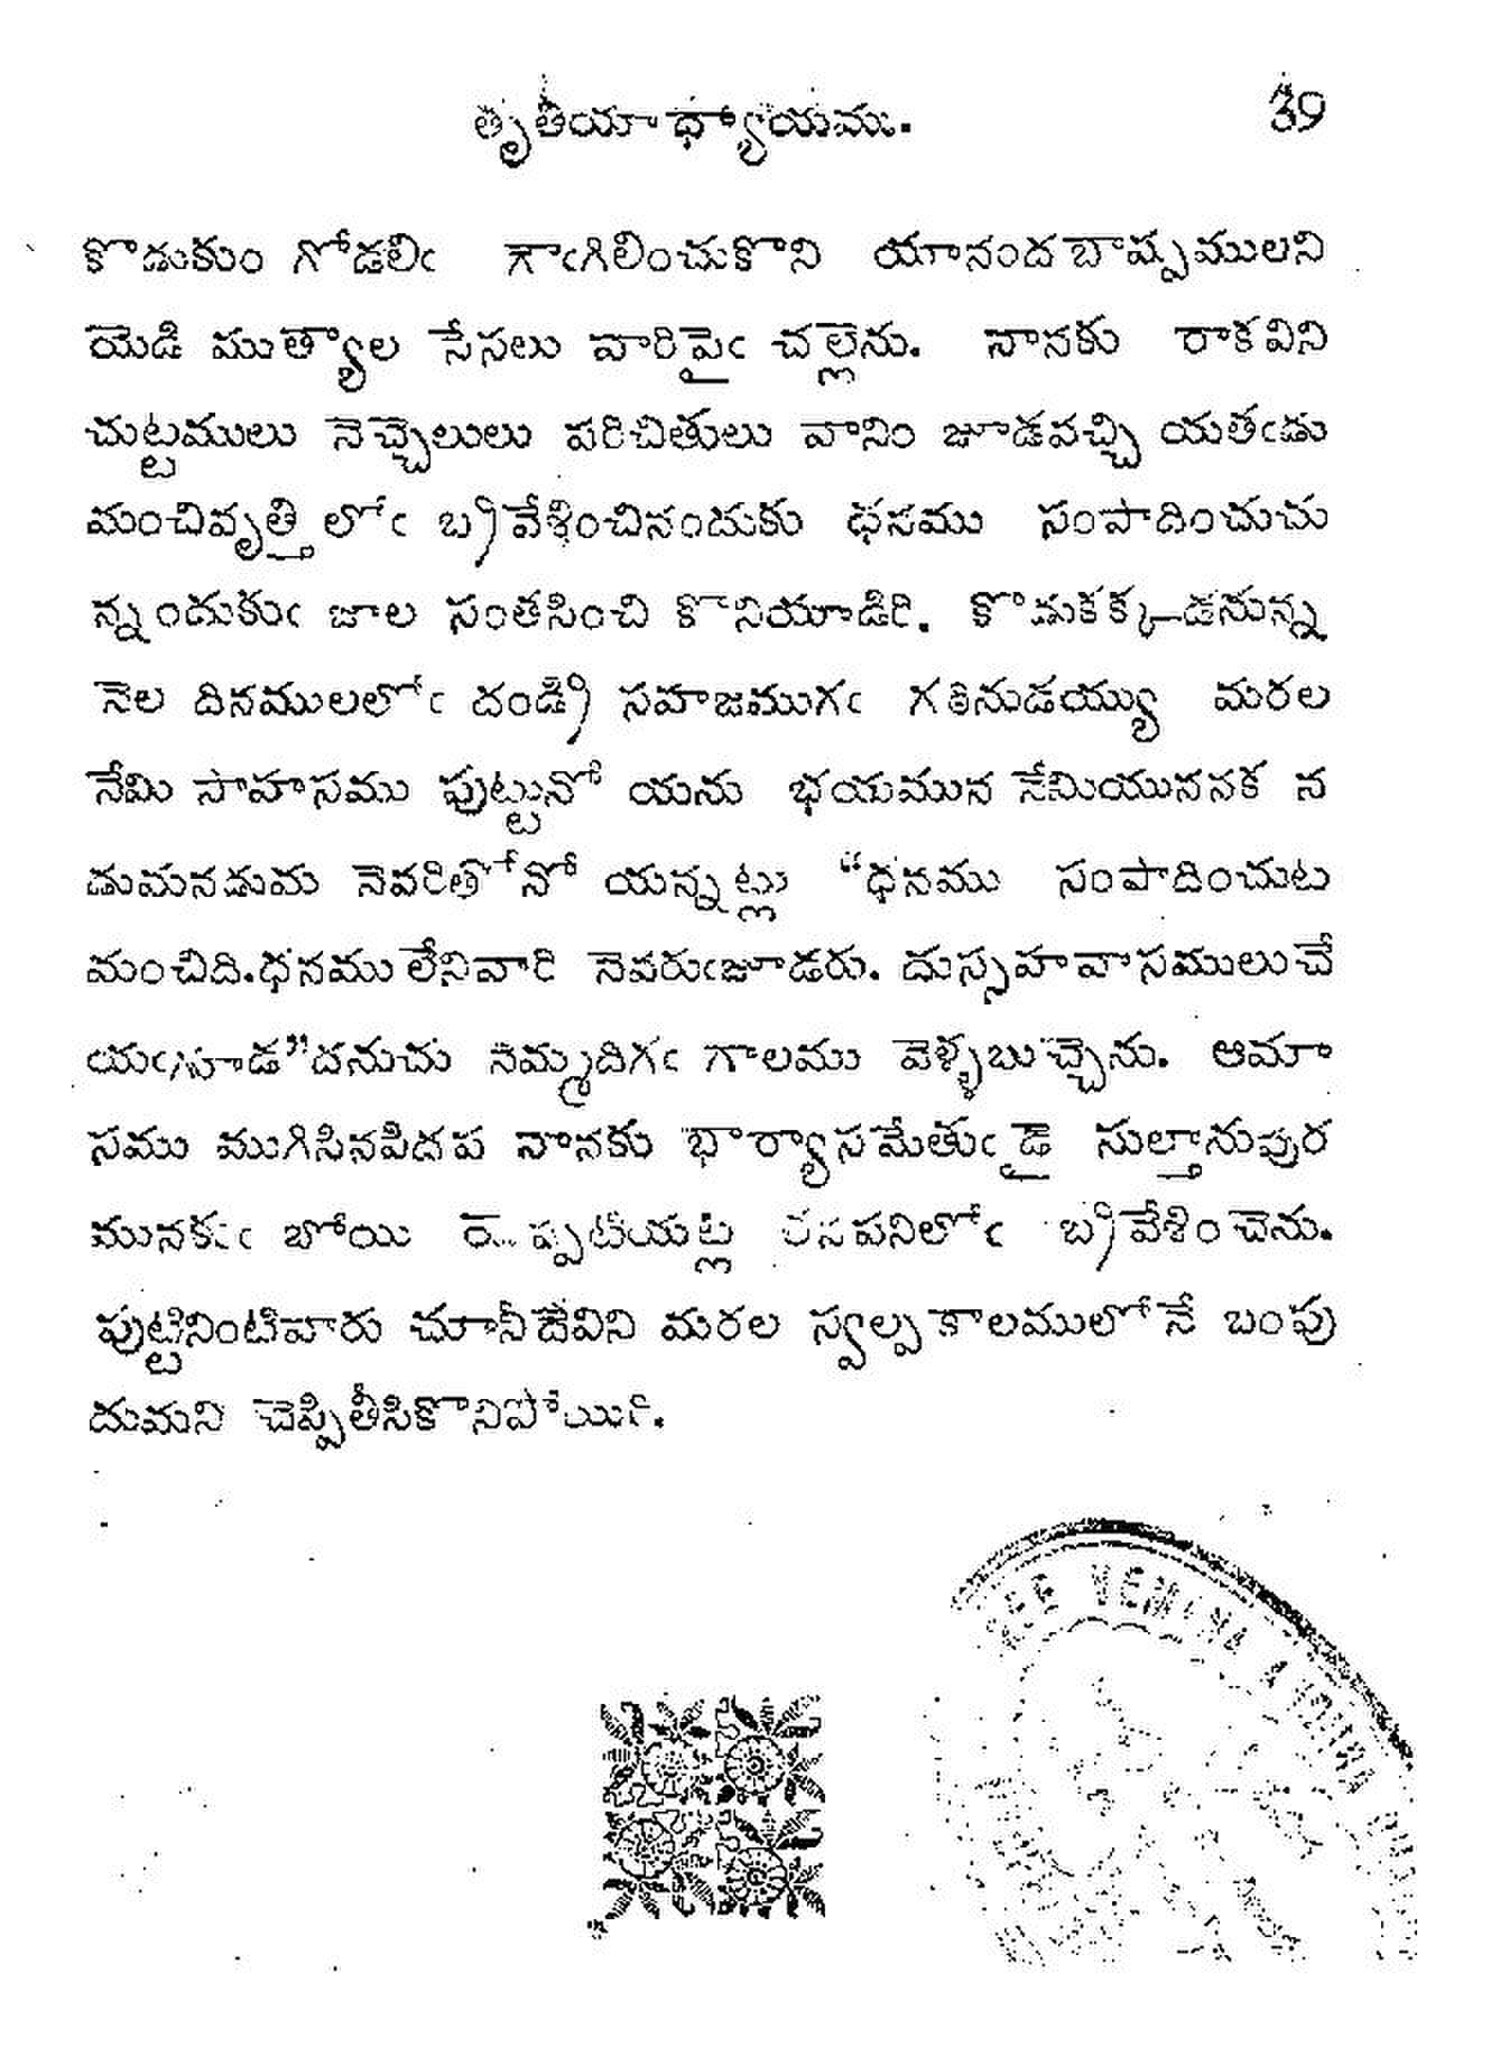కొడుకుం గోడలి గౌగిలించుకొని యానందబాష్పములని యెడి ముత్యాల సేసలు వారిపై చల్లెను. నానకు రాకవిని చుట్టములు నెచ్చెలులు పరిచితులు వానిం జూడవచ్చి యతడు మంచివృత్తిలో బ్రవేశించినందుకు ధనము సంపాదించుచున్నందుకు జాల సంతసించి కొనియాడిరి. కొడుకక్కడనున్న నెల దినములలో దండ్రి సహజముగ గఠినుడయ్యు మరల నేమి సాహసము పుట్టునో యను భయమున నేమియుననక నడుమనడుమ నెవరితోనో యన్నట్లు "ధనము సంపాదించుట మంచిది. ధనములేనివారి నెవరుజూడరు. దుస్సహవాసములుచేయగూడ"దనుచు నెమ్మదిగ గాలము వెళ్ళబుచ్చెను. ఆమాసము ముగిసినపిదప నానకు భార్యాసమేతుడై సుల్తానుపురమునకు బోయి యెప్పటియట్ల తనపనిలో బ్రవేశించెను. పుట్టినింటివారు చూనీదేవిని మరల స్వల్పకాలములోనే బంపుదుమని చెప్పితీసికొనిపోయిరి.